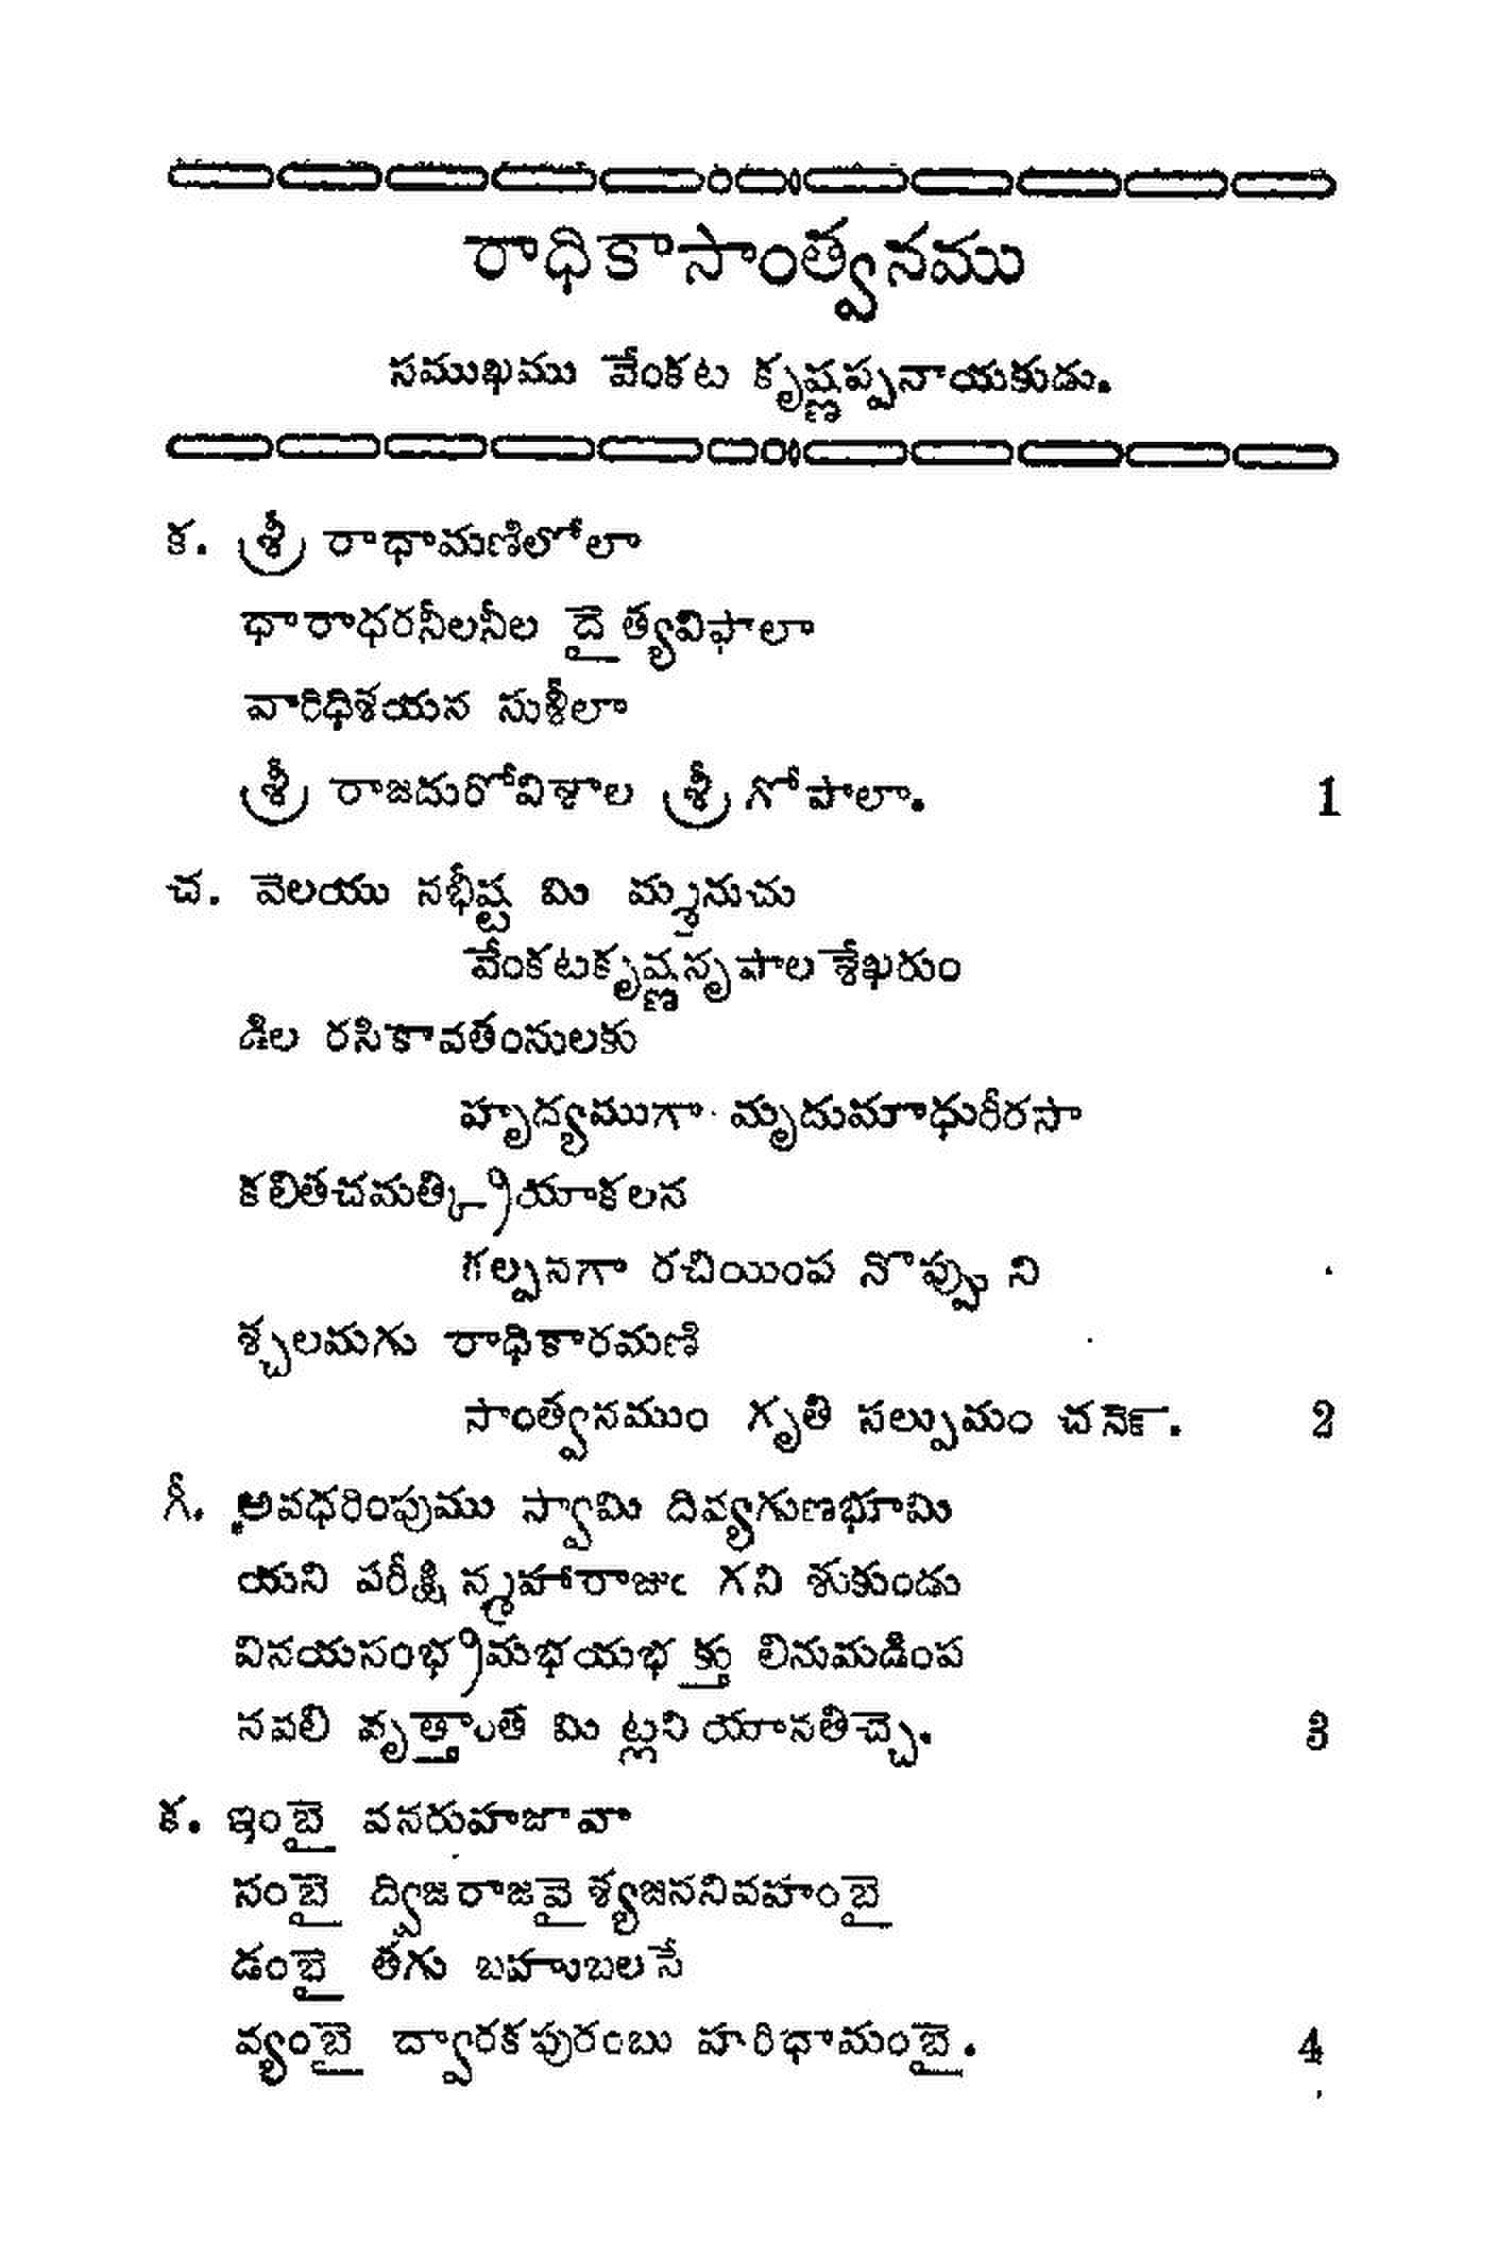క. శ్రీ రాధామణిలోలా
ధారాధరనీలనీల దైత్యవిఫాలా
వారిధిశయన సుశీలా
శ్రీ రాజదురోవిశాల శ్రీ గోపాలా. 1

చ. వెలయు నభీష్ట మి మ్మనుచు వేంకటకృష్ణనృపాలశేఖరుం
డిల రసికావతంసులకు హృద్యముగా మృదుమాధురీరసా
కలితచమత్క్రియాకలనగల్పనగా రచియింప నొప్పు ని
శ్చలమగు రాధికారమణి సాంత్వనముం గృతి సల్పుమం చనెన్. 2

గీ. అవధరింపుము స్వామి దివ్యగుణభూమి
యని పరీక్షిన్మహారాజుఁ గని శుకుండు
వినయసంభ్రమభయభక్తు లినుమడింప
నవల వృత్తాంత మిట్లని యానతిచ్చె. 3

క. ఇంబై వనరుహజావా
నంబై ద్విజరాజవైశ్యజననివహంబై
డంబై తగు బహుబలసే
వ్యంబై ద్వారకపురంబు హరిధామంబై. 4